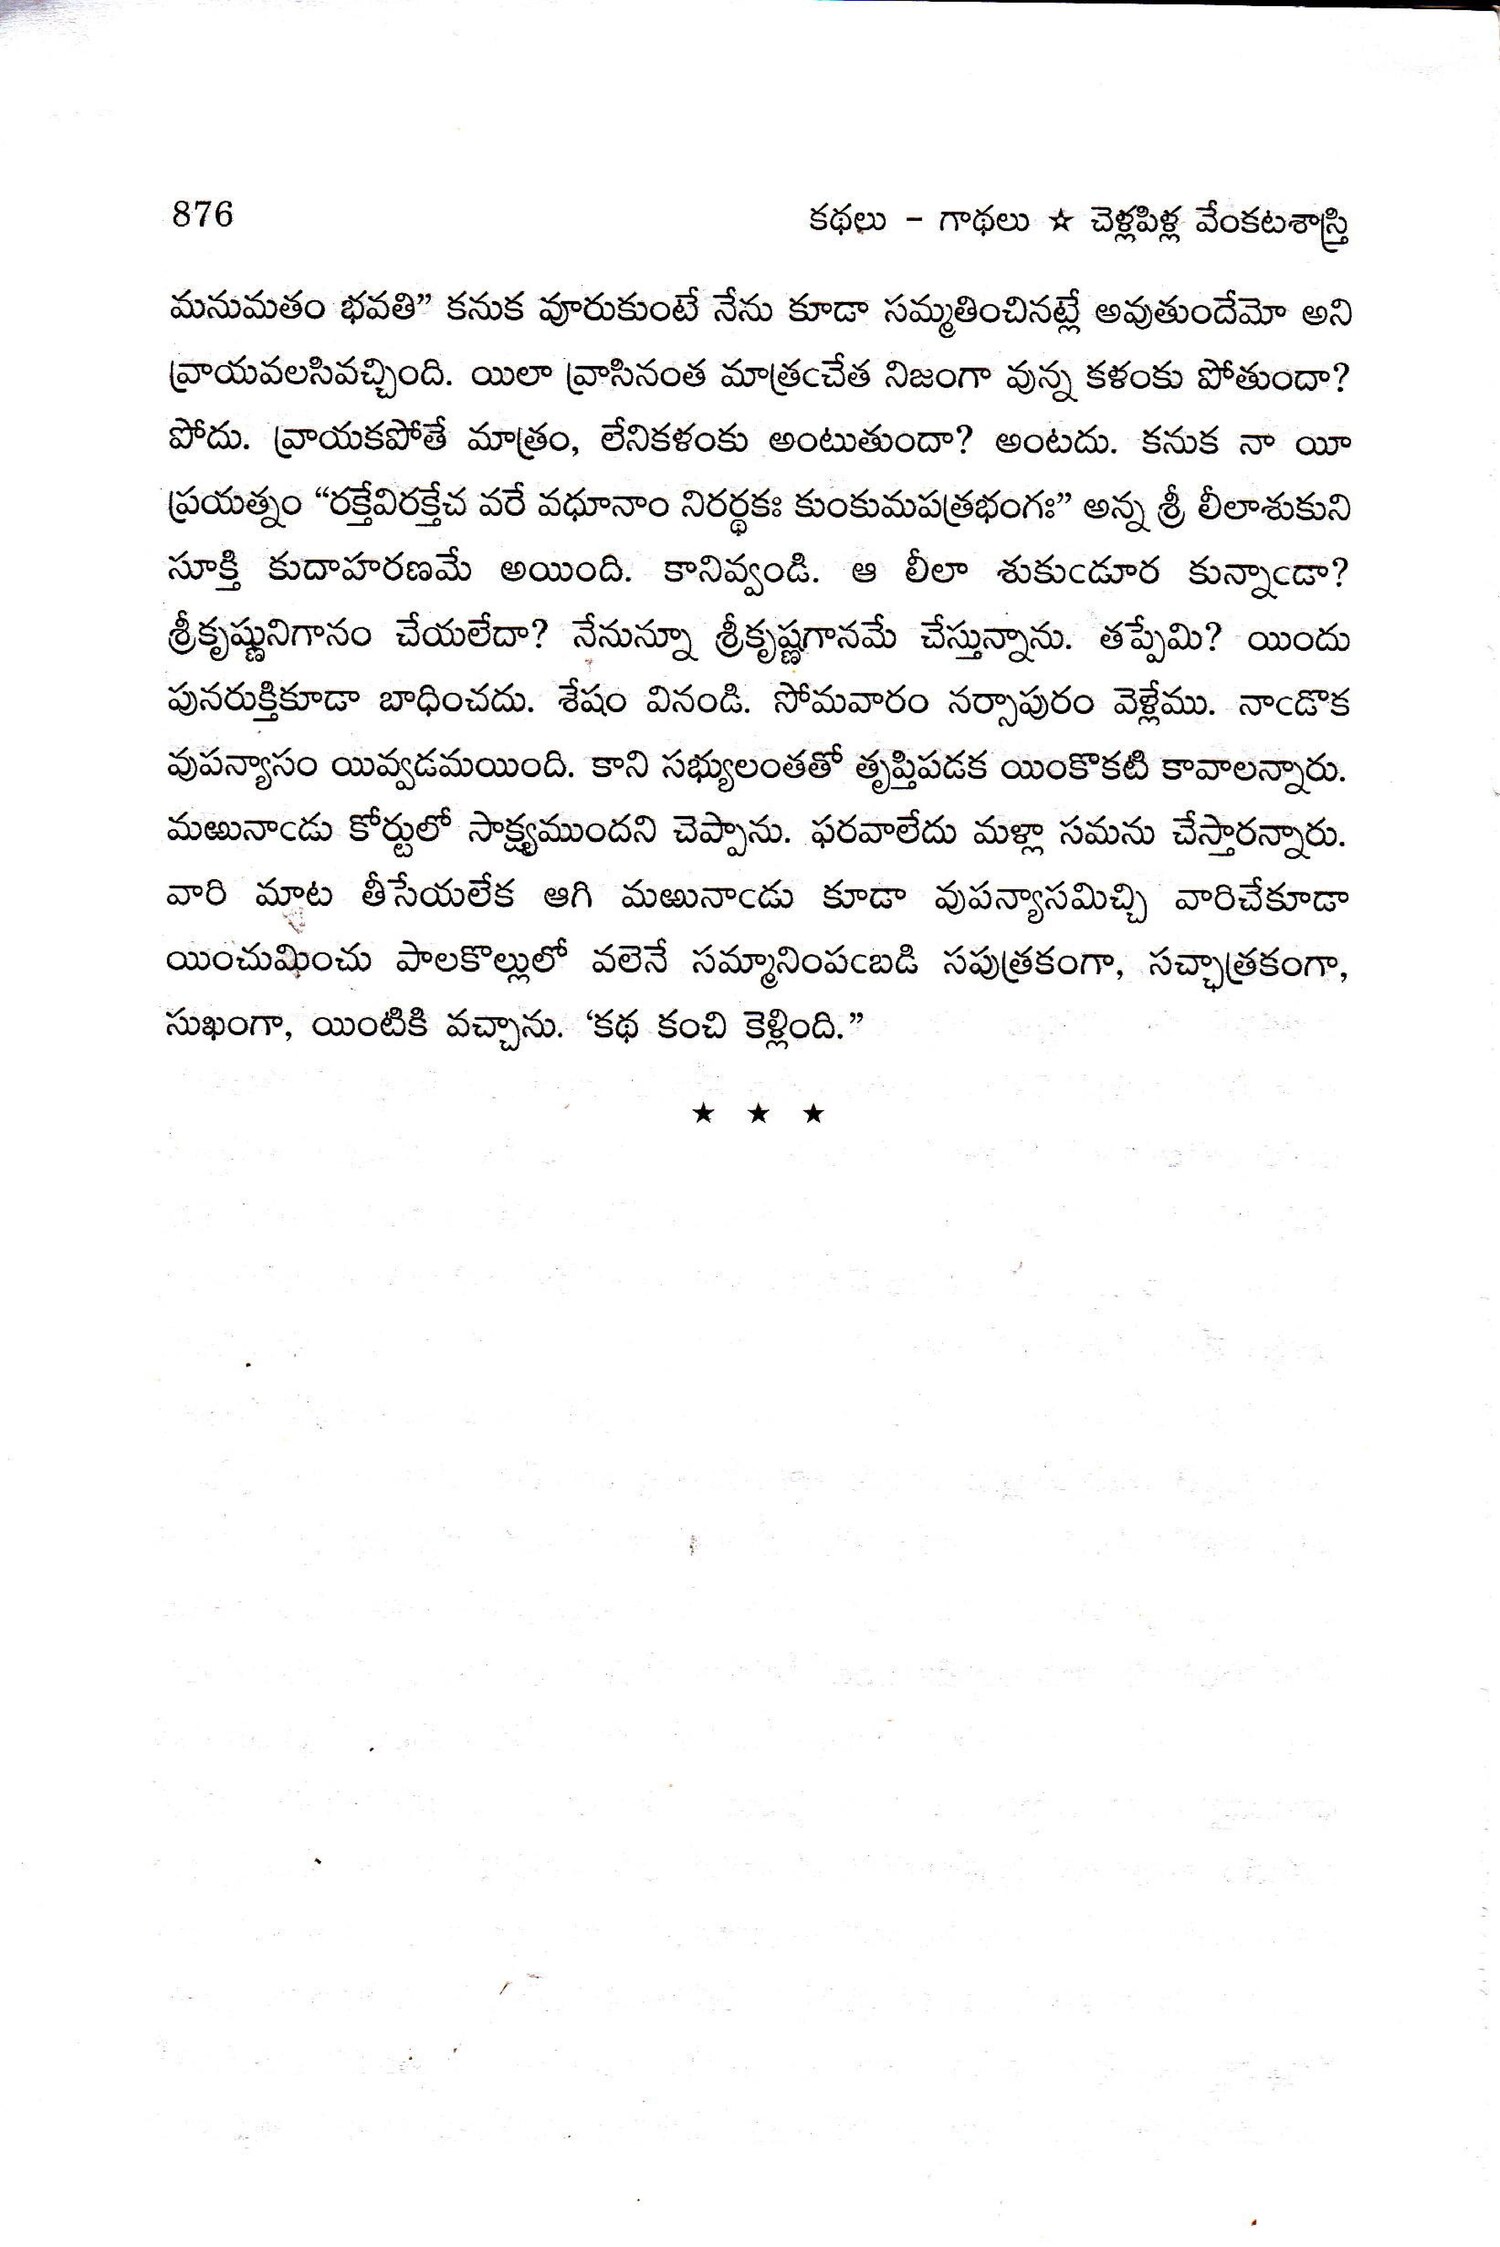మనుమతం భవతి" కనుక వూరుకుంటే నేను కూడా సమ్మతించినట్లే అవుతుందేమో అని వ్రాయవలసివచ్చింది. యిలా వ్రాసినంత మాత్రఁచేత నిజంగా వున్న కళంకు పోతుందా? పోదు. వ్రాయకపోతే మాత్రం, లేనికళంకు అంటుతుందా? అంటదు. కనుక నా యీ ప్రయత్నం “రక్తేవిరక్తేచ వరే వధూనాం నిరర్ధకః కుంకుమపత్రభంగః" అన్న శ్రీ లీలాశుకుని సూక్తి కుదాహరణమే అయింది. కానివ్వండి. ఆ లీలా శుకుఁడూర కున్నాఁడా? శ్రీకృష్ణునిగానం చేయలేదా? నేనున్నూ శ్రీకృష్ణగానమే చేస్తున్నాను. తప్పేమి? యిందు పునరుక్తికూడా బాధించదు. శేషం వినండి. సోమవారం నర్సాపురం వెళ్లేము. నాcడొక వుపన్యాసం యివ్వడమయింది. కాని సభ్యులంతతో తృప్తిపడక యింకొకటి కావాలన్నారు. మఱునాఁడు కోర్టులో సాక్ష్యముందని చెప్పాను. ఫరవాలేదు మళ్లా సమను చేస్తారన్నారు. వారి మాట తీసేయలేక ఆగి మఱునాఁడు కూడా వుపన్యాసమిచ్చి వారిచేకూడా యించుమించు పాలకొల్లులో వలెనే సమ్మానింపఁబడి సపుత్రకంగా, సచ్ఛాత్రకంగా, సుఖంగా, యింటికి వచ్చాను. కథ కంచి కెళ్లింది."